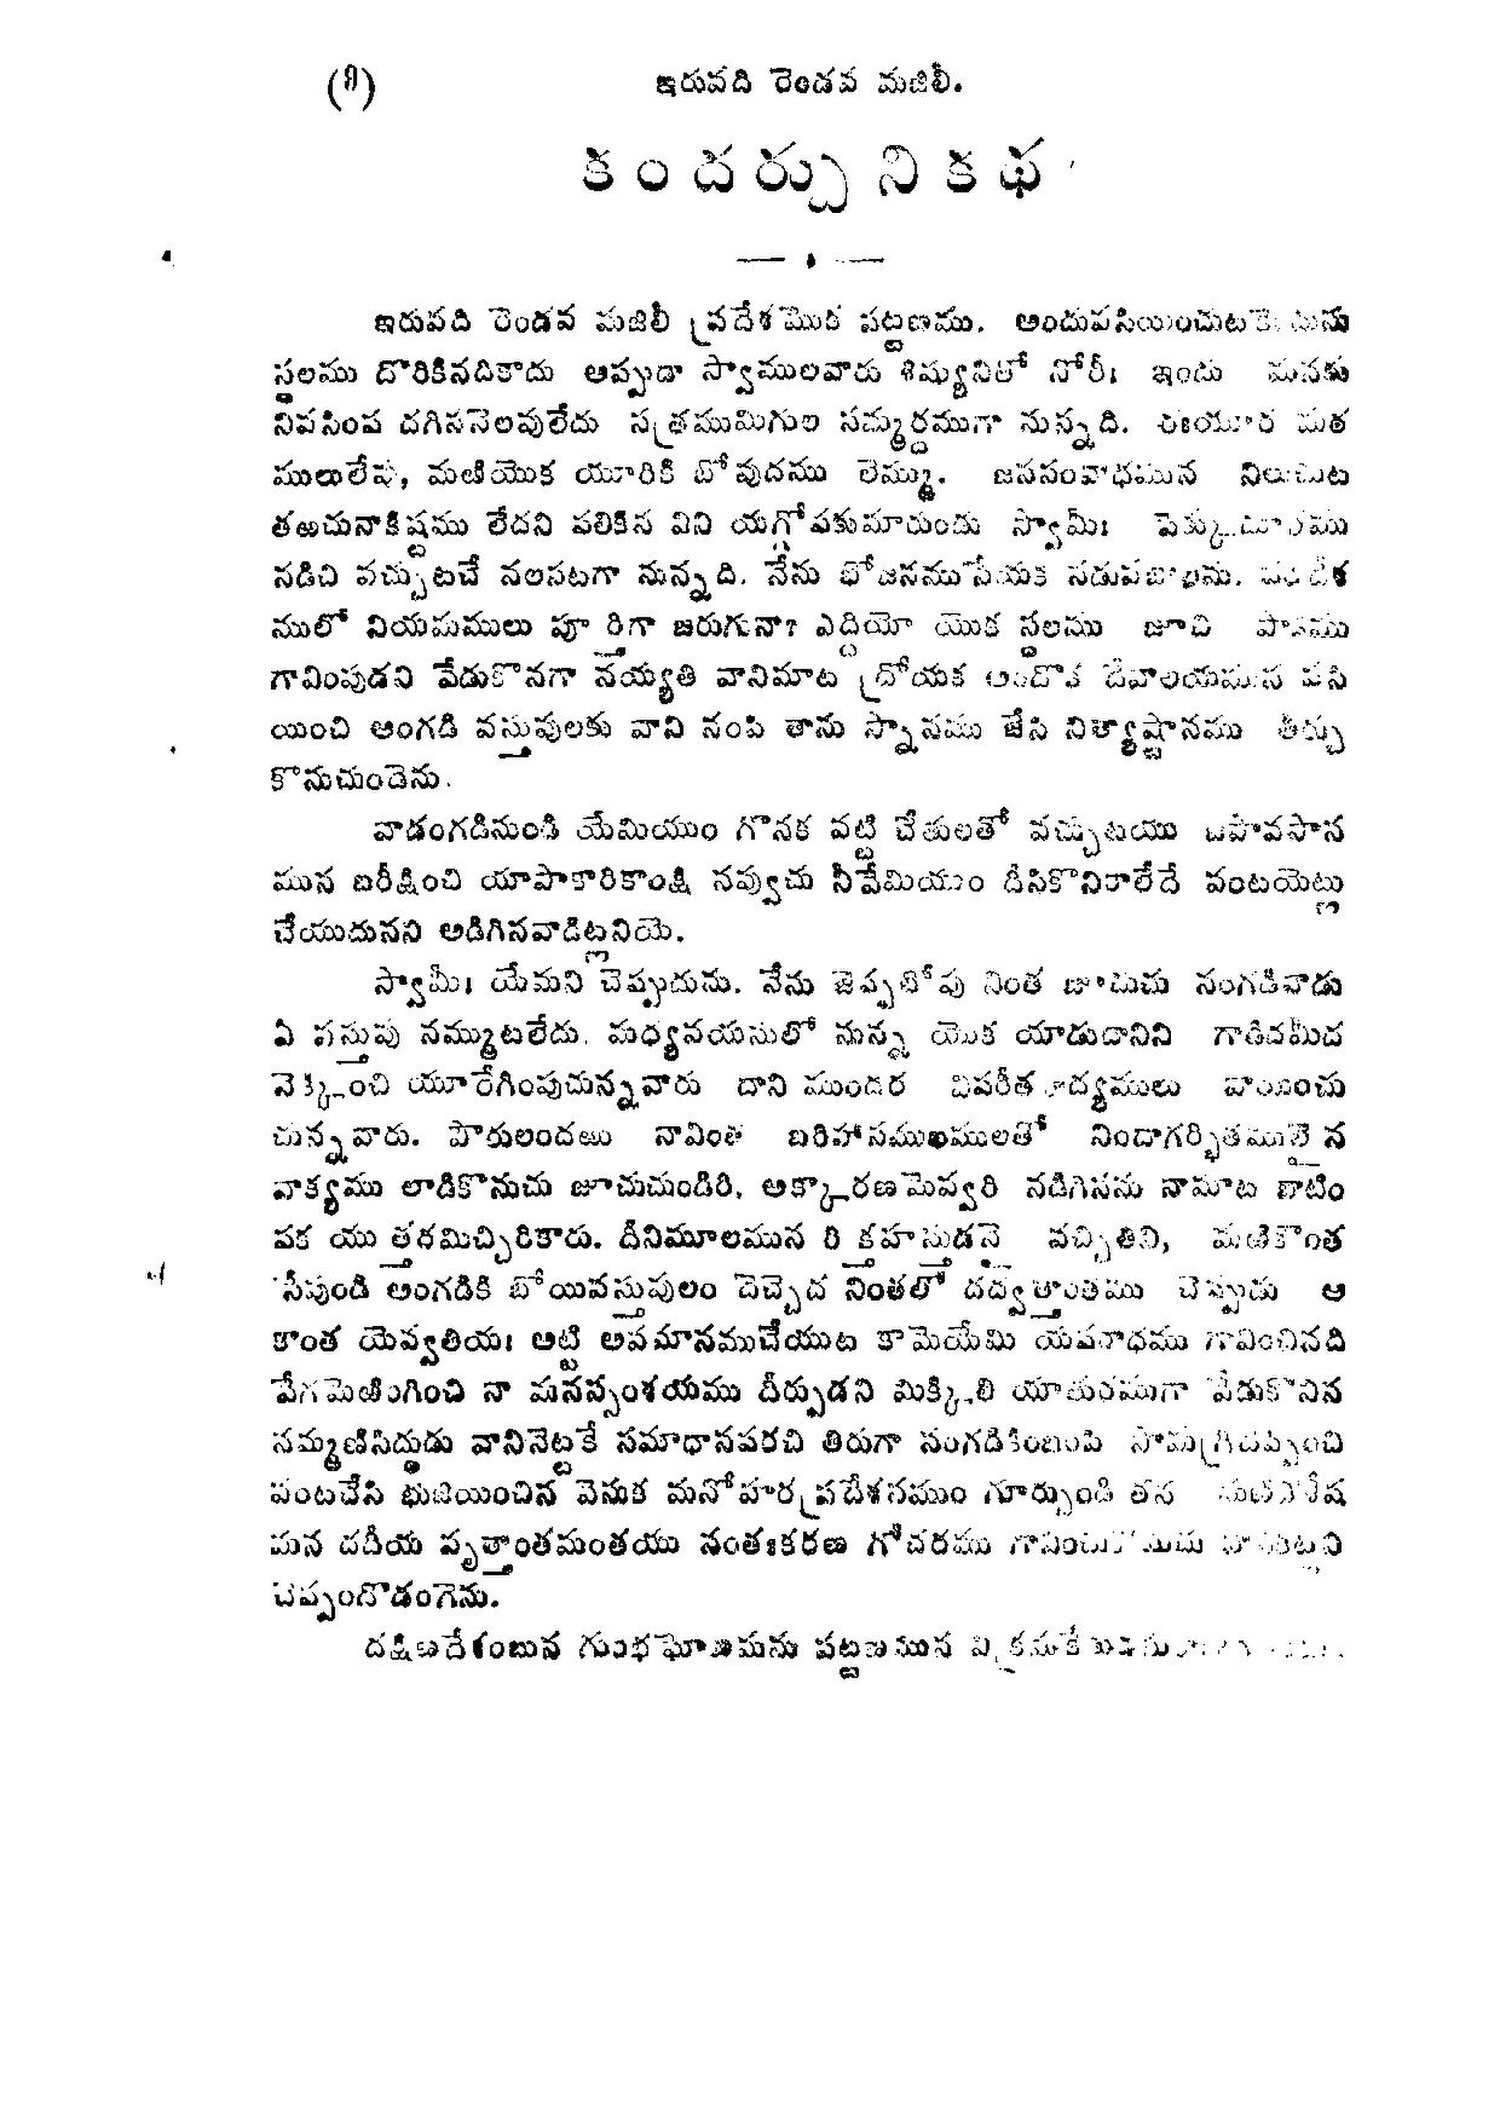ఇరువది రెండవ మజిలీ.
కందర్పునికథ

ఇరువది రెండవ మజిలీ ప్రదేశ మొక పట్టణము. అందు వసించుట కెందును స్థలము దొరికినదికాదు. అప్పుడా స్వాములవారు శిష్యునితో నోరీ! ఇందు మనకు నివసింప దగిననెలవులేదు సత్రముమిగుల సమ్మర్దముగా నున్నది. ఈయూర మఠములులేవు, మఱియొక యూరికి బోవుదము లెమ్ము. 
జనసంవాధమున నిలుచుట తఱచు నాకిష్టము లేదని పలికిన విని యగ్గోపకుమారుండు స్వామీ! పెక్కుదూరము నడిచి వచ్చుటచే నలసటగా నున్నది. నేను భోజనము సేయక నడువజాలను. పరదేశములో నియమములు పూర్తిగా జరుగునా? ఎద్దియో యొకస్థలము జూచి పాకము గావింపుడని వేడుకొనగా నయ్యతి వానిమాట ద్రోయక అందొక దేవాలయమున వసియించి అంగడి వస్తువులకు వాని నంపి తాను స్నానము జేసి నిత్యాష్టానము తీర్చుకొనుచుండెను.

వా డంగడినుండి యేమియుం గొనక వట్టి చేతులతో వచ్చుటయు జపావసానమున బరీక్షించి యాపాకారికాంక్షి నవ్వుచు నీ వేమియుం దీసికొనిరాలేదే వంట యెట్లు చేయుదునని అడిగిన వా డిట్లనియె.

స్వామీ! యేమని చెప్పుదును. నేను జెప్పబోవు వింత జూచుచు నంగడివాడు ఏ వస్తువు నమ్ముటలేదు. మధ్యవయసులో నున్న యొక యాడుదానిని గాడిదమీద నెక్కించి యూరేగింపుచున్నవారు దాని ముందర విపరీతవాద్యములు వాయించుచున్న వారు. పౌరులందఱు నావింత బరిహాసముఖములతో నిందాగర్భితములైన వాక్యము లాడికొనుచు జూచుచుండిరి. అక్కారణమెవ్వరి నడిగినను నామాట బాటింపక యుత్తరమిచ్చిరికారు. దీనిమూలమున రిక్తహస్తుడనై వచ్చితిని. మఱికొంతసే పుండి అంగడికి బోయివస్తువులం దెచ్చెద నింతలో దద్వత్తాంతము చెప్పుడు ఆ కాంత యెవ్వతియ! అట్టి అవమానముచేయుట కామె యేమి యపరాధము గావించినది వేగ మెఱింగించి నా మనస్సంశయము దీర్పుడని మిక్కి,లి యాతురముగా వేడుకొనిన నమ్మణిసిద్ధుడు వాని నెట్టకే సమాధానపరచి తిరుగా నంగడికిం బంపి సామగ్రి దెప్పించి వంటచేసి భుజియించిన వెనుక మనోహరప్రదేశమునం గూర్చుండి తన మణివిశేషమున దదీయవృత్తాంతమంతయు నంతఃకరణగోచరము గావించుకొనుచు వాని కిట్లని
చెప్పందొడంగెను.

దక్షిణదేశంబున గుంభఘోణమను పట్టణమున విక్రమకేతుడనురాజు గలడు.